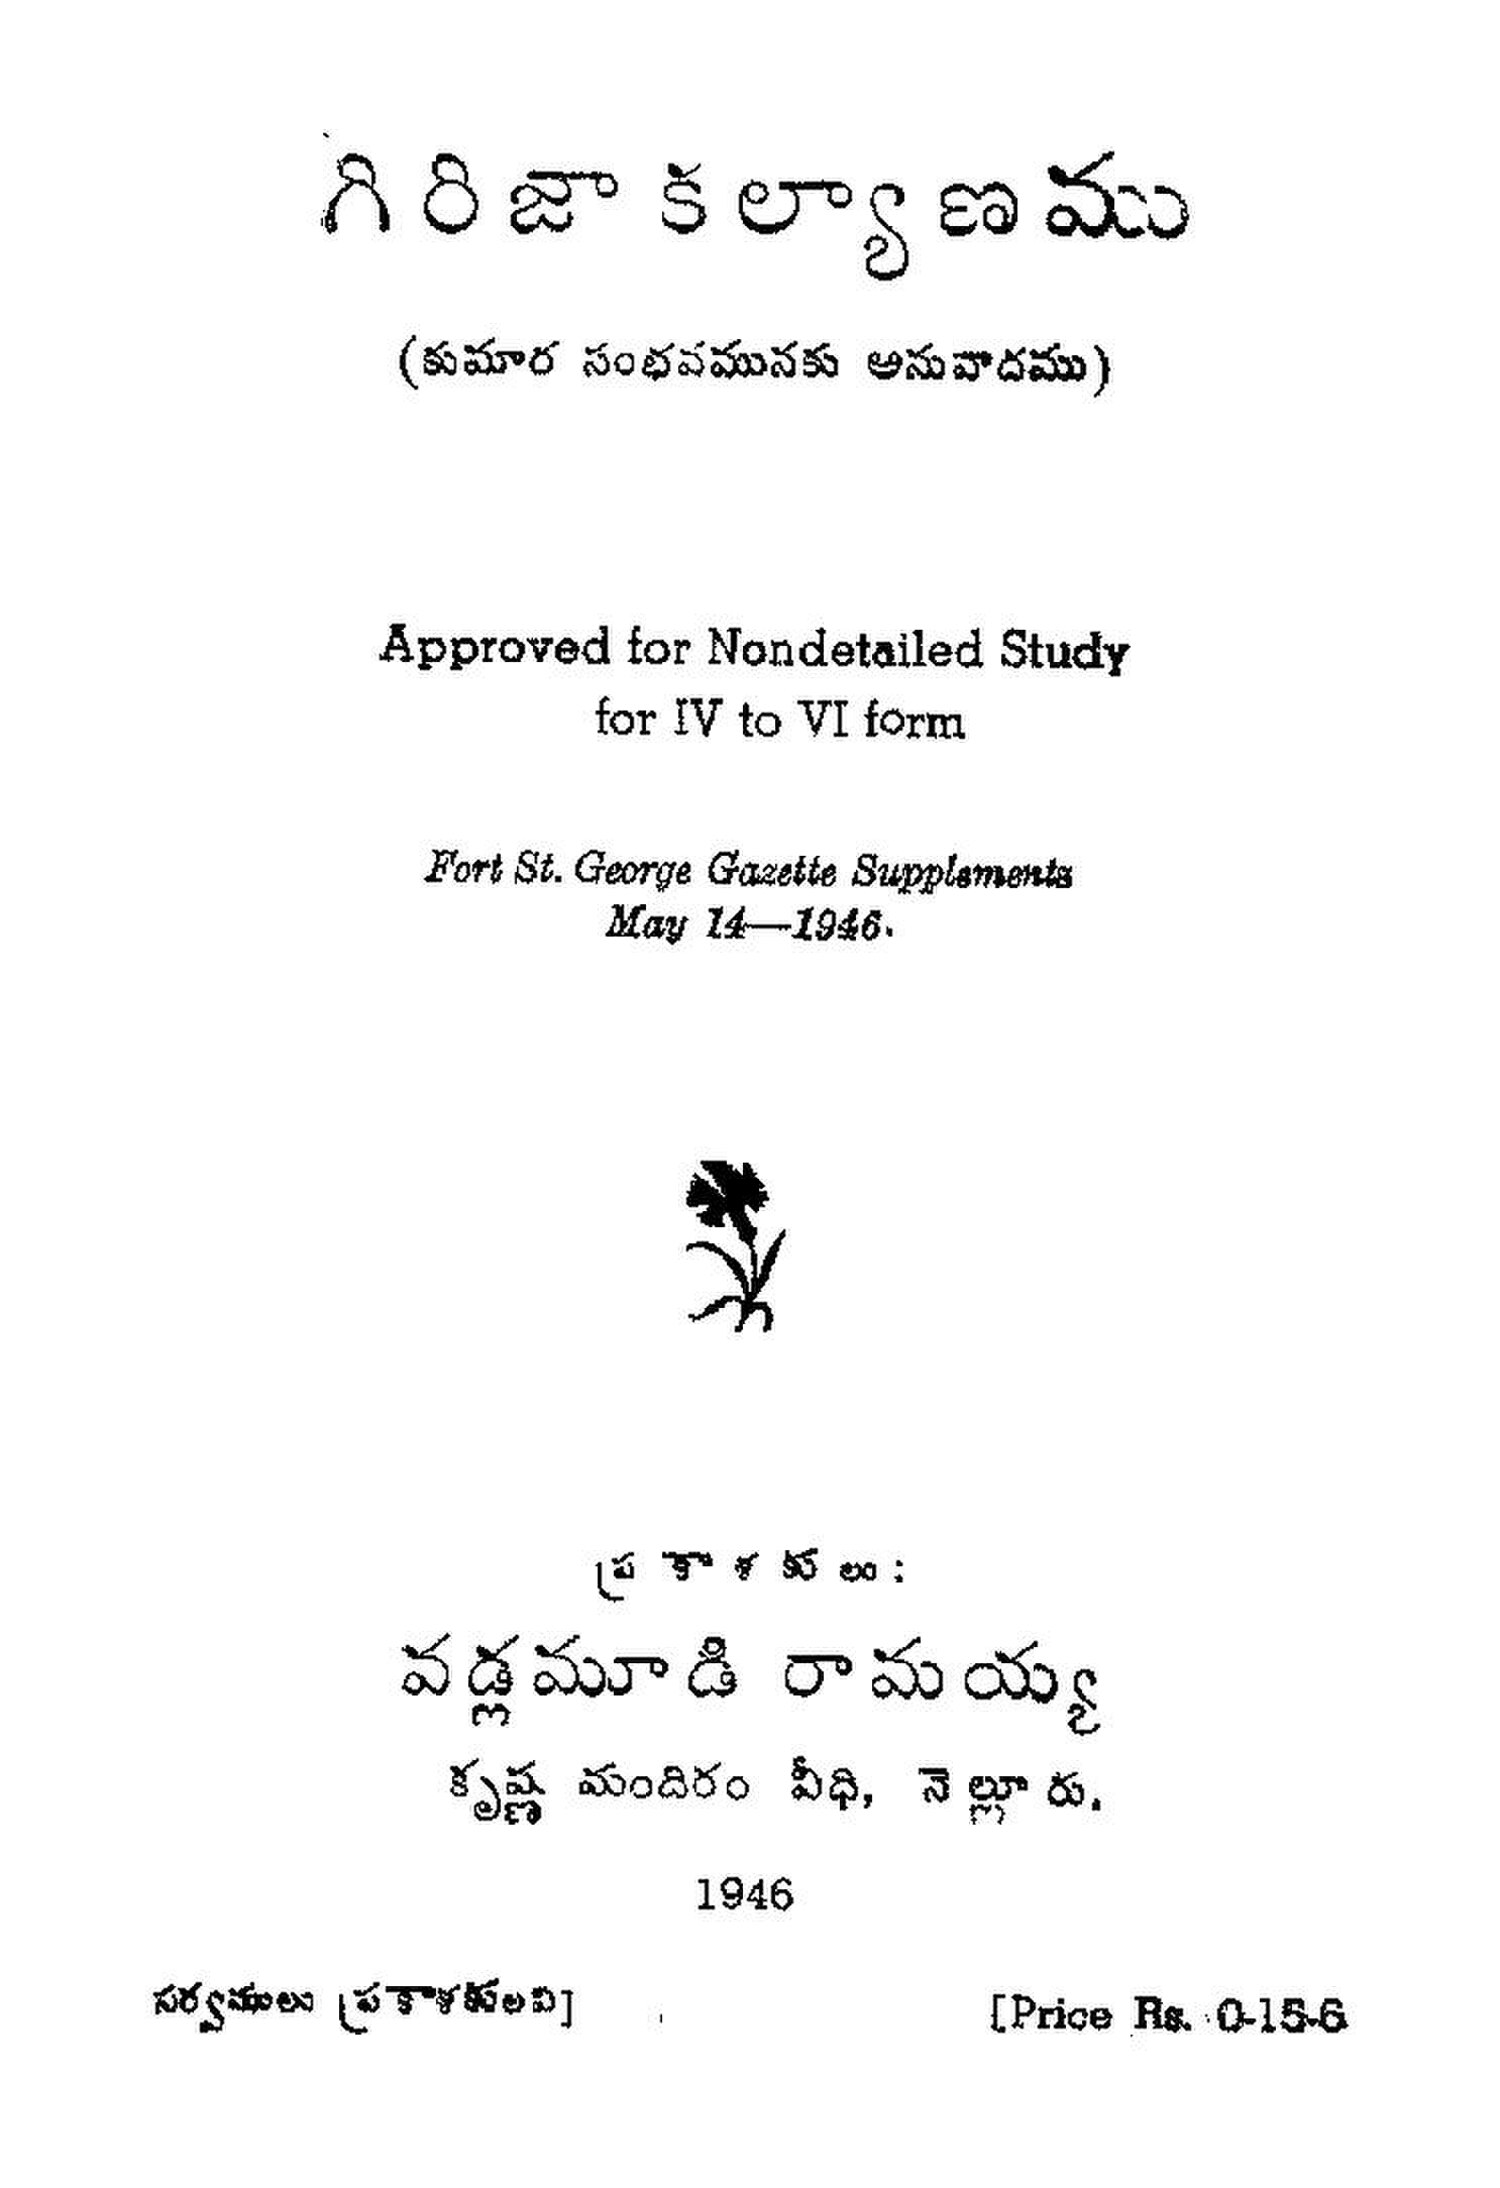గిరిజా కల్యాణము

వడ్లమూడి రామయ్య